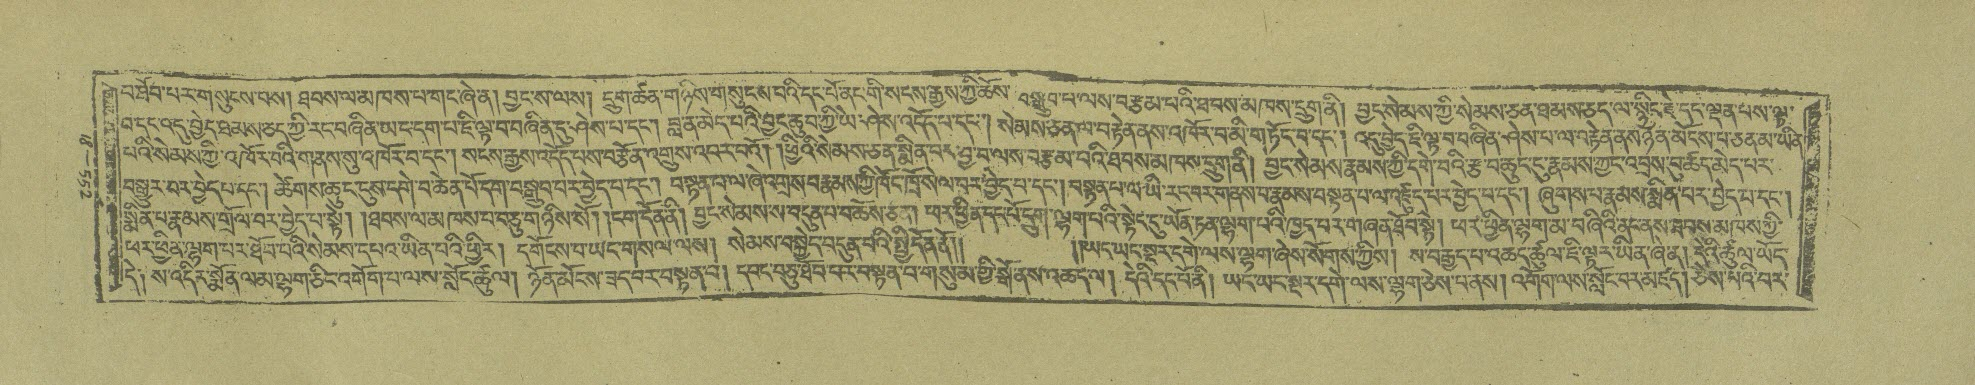པ་ཐོབ་པར་གསུངས་པས། ཐབས་ལ་མཁས་པ་གང་ཞེ་ན། བྱང་ས་ལས། དྲུག་ཚན་གཉིས་གསུངས་པའི་དང་པོ་ནང་གི་སངས་རྒྱས་ཀྱི་ཆོས་བསྒྲུབ་པ་ལས་བརྩམ་པའི་ཐབས་མཁས་དྲུག་ནི། བྱང་སེམས་ཀྱི་སེམས་ཅན་ཐམས་ཅད་ལ་སྙིང་རྗེ་དང་ལྡན་པས་ལྟ་
བ་དང་འདུ་བྱེད་ཐམས་ཅད་ཀྱི་རང་བཞིན་ཡང་དག་པ་ཇི་ལྟ་བ་བཞིན་དུ་ཤེས་པ་དང་། བླ་ན་མེད་པའི་བྱང་ཆུབ་ཀྱི་ཡེ་ཤེས་འདོད་པ་དང་། སེམས་ཅན་ལ་བརྟེན་ནས་འཁོར་བ་མི་གཏོང་བ་དང་། འདུ་བྱེད་ཇི་ལྟ་བ་བཞིན་ཤེས་པ་ལ་བརྟེན་ནས་ཉོན་མོངས་པ་ཅན་མ་ཡིན་
པའི་སེམས་ཀྱི་འཁོར་བའི་གནས་སུ་འཁོར་བ་དང་། སངས་རྒྱས་འདོད་པས་བརྩོན་འགྲུས་འབར་བའོ། །ཕྱིའི་སེམས་ཅན་སྨིན་པར་བྱ་བ་ལས་བརྩམ་པའི་ཐབས་མཁས་དྲུག་ནི། བྱང་སེམས་རྣམས་ཀྱི་དགེ་བའི་རྩ་བ་ཆུང་ངུ་རྣམས་ཀྱང་འབྲས་བུ་ཚད་མེད་པར་
བསྒྱུར་བར་བྱེད་པ་དང་། ཚེགས་ཆུང་དུས་དགེ་བ་ཆེན་པོ་དག་བསྒྲུབ་པར་བྱེད་པ་དང་། བསྟན་པ་ལ་ཞེ་འགྲས་པ་རྣམས་ཀྱི་ཁོང་ཁྲོ་སེལ་བར་བྱེད་པ་དང་། བསྟན་པ་ལ་ཡི་རང་བར་གནས་པ་རྣམས་བསྟན་པ་ལ་འཛུད་པར་བྱེད་པ་དང་། ཞུགས་པ་རྣམས་སྨིན་པར་བྱེད་པ་དང་།
སྨིན་པེ་རྣམས་གྲོལ་བར་བྱེད་པ་སྟེ། །ཐབས་ལ་མཁས་པ་བཅུ་གཉིས་སོ། །ངག་དོན་ནི། བྱང་སེམས་ས་བདུན་པ་བ་ཆོས་ཅན། ཕར་ཕྱིན་དང་པོ་དྲུག་ལྷག་པའི་སྟེང་དུ་ཡོན་ཏན་ལྷག་པའི་ཁྱད་པར་གཞན་ཐོབ་སྟེ། ཕྲ་ཕྱིན་ལྷག་མ་བཞིའི་ནང་ནས་ཐབས་མཁས་ཀྱི་
ཕར་ཕྱིན་ལྷག་པར་ཐོབ་པའི་སེམས་དཔའ་ཡིན་པའི་ཕྱིར། དགོངས་པ་ཡང་གསལ་ལས། སེམས་བསྐྱེད་བདུན་པའི་སྤྱི་དོན་ནོ།། །།ཡང་ཡང་སྔར་དགེ་ལས་ལྷག་ཞེས་སོགས་ཀྱིས། ས་བརྒྱད་པ་འཆད་ཚུལ་ཇི་ལྟར་ཡིན་ཞེ་ན། དེའི་ཚུལ་ཡོད་
དེ། ས་འདིར་སྨོན་ལམ་ལྷག་ཅིང་འགོག་པ་ལས་སློང་ཚུལ། ཉོན་མོངས་ཟད་པར་བསྟན་པ། དབང་བཅུ་ཐོབ་པར་བསྟན་པ་གསུམ་གྱི་སྒོ་ནས་འཆད་ལ། དེའི་དང་པོ་ནི། ཡང་ཡང་སྔར་དགེ་ལས་ལྷག་ཅེས་པ་ནས། འགོག་ལས་སློང་བར་མཛད། ཅེས་པའི་བར་